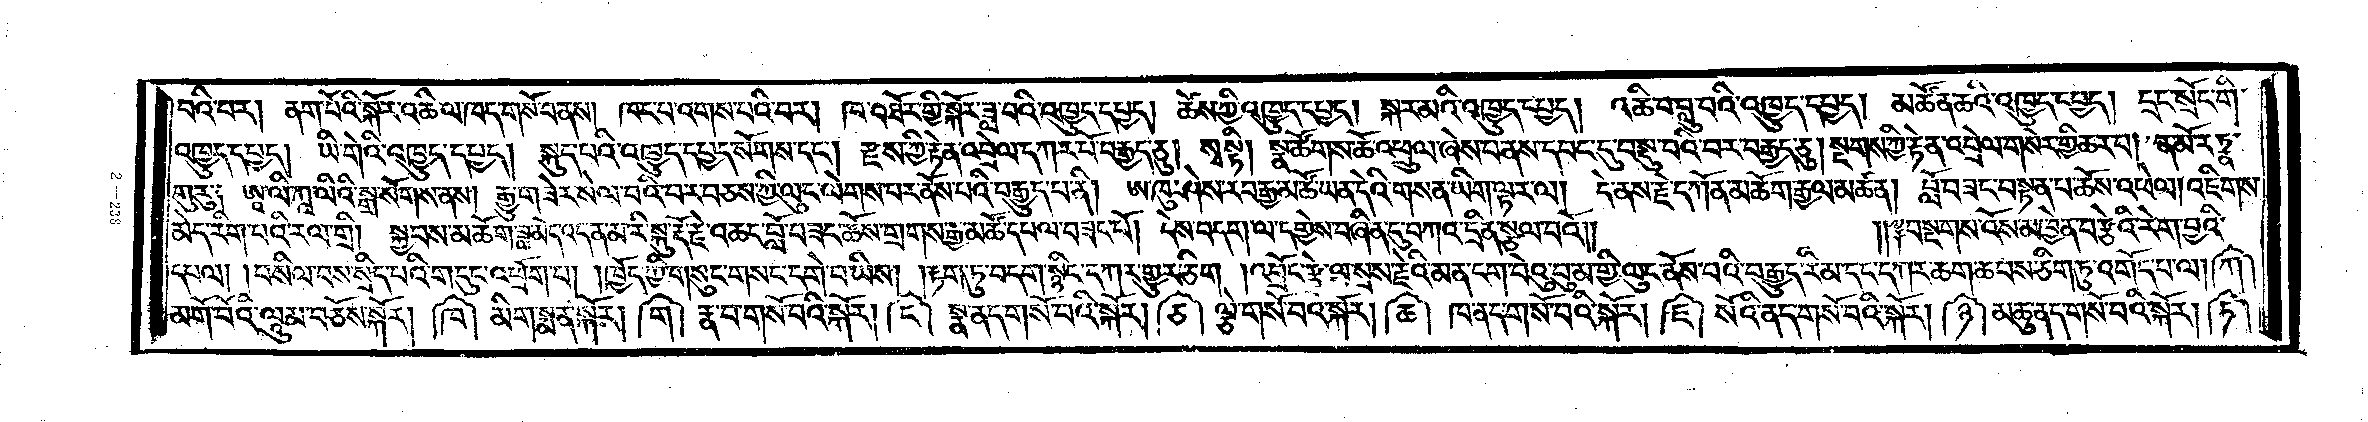བའི་བར། ནག་པོའི་སྐོར་འཆི་ལ་ཁད་གསོ་པ་ནས། ཁང་པ་འགས་པའི་བར། ཁ་འཐོར་གྱི་སྐོར་ཟླ་བའི་འཁྱུད་དཔྱད། ཚེས་ཀྱི་འཁྱུད་དཔྱད། སྐར་མའི་འཁྱུད་དཔྱད། འཆི་བ་བླུ་བའི་འཁྱུད་དཔྱད། མཚོན་ཆའི་འཁྱུད་དཔྱད། དྲང་སྲོང་གི་
འཁྱུད་དཔྱད། ཡི་གེའི་འཁྱུད་དཔྱད། སྐུད་པའི་འཁྱུད་དཔྱད་སོགས་དང་། རྫས་ཀྱི་རྟེན་འབྲེལ་དཀར་པོ་བརྒྱད་ཅུ། སྭྶྟི། སྣ་ཚོགས་ཆོ་འཕྲུལ་ཞེས་པ་ནས་དབང་དུ་བསྡུ་བའི་བར་བརྒྱད་ཅུ། སྔགས་ཀྱི་རྟེན་འབྲེལ་གསེར་གྱི་ཆར་པ། ན་མོ་རཏྣ་
གུ་རུ༑ ཨཱ་ལི་ཀཱ་ལིའི་སྒྲ་སོགས་ནས། རྒྱུ་གཟེར་སེལ་བའི་བར་བཅས་ཀྱི་ལུང་ལེགས་པར་ནོས་པའི་བརྒྱུད་པ་ནི། ཨ་ཁུ་ཤེས་རབ་རྒྱ་མཚོ་ཡན་དེའི་གསན་ཡིག་ལྟར་ལ། དེ་ནས་རྗེ་དཀོན་མཆོག་རྒྱལ་མཚན། བློ་བཟང་བསྟན་པ་ཆོས་འཕེལ། འཇིགས་
མེད་རིག་པའི་རལ་གྲི། སྐྱབས་མཆོག་ཟླ་མེད་འདན་མ་རི་སྐུ་རྡོ་རྗེ་འཆང་བློ་བཟང་ཆོས་གྲགས་རྒྱ་མཚོ་དཔལ་བཟང་པོ། དེས་བདག་ལ་དགྱེས་བཞིན་དུ་བཀའ་དྲིན་སྩལ་བའོ།། །།༈ བསྔགས་འོས་མཁྱེན་བརྩེའི་རེག་བྱའི་
དཔལ། །བསིལ་བས་སྲིད་པའི་གདུང་འཕྲོག་པ། །ཁྱོད་ཀྱི་གསུང་གསང་དགེ་བ་ཡིས། །རྟག་ཏུ་བདག་སྙིང་དཀར་གྱུར་ཅིག །འབྲོང་རྩེ་ལྷ་སྲས་རྗེའི་མན་ངག་བེའུ་བུམ་གྱི་ལུང་ནོས་པའི་བརྒྱུད་རིམ་དང་དཀར་ཆག་ཆབས་ཅིག་ཏུ་འགོད་པ་ལ། ༼ཀ༽
མགོ་བོའི་ལཱུམ་བཅོས་སྐོར། ༼ཁ༽ མིག་སྨན་སྐོར། ༼ག༽ རྣ་བ་གསོ་བའི་སྐོར། ༼ང༽ སྣ་ནད་གསོ་བའི་སྐོར། ༼ཅ༽ ལྕེ་གསོ་བའི་སྐོར། ༼ཆ༽ ཁ་ནད་གསོ་བའི་སྐོར། ༼ཇ༽ སོའི་ནད་གསོ་བའི་སྐོར། ༼ཉ༽ མཆུ་ནད་གསོ་བའི་སྐོར། ༼ཏ༽